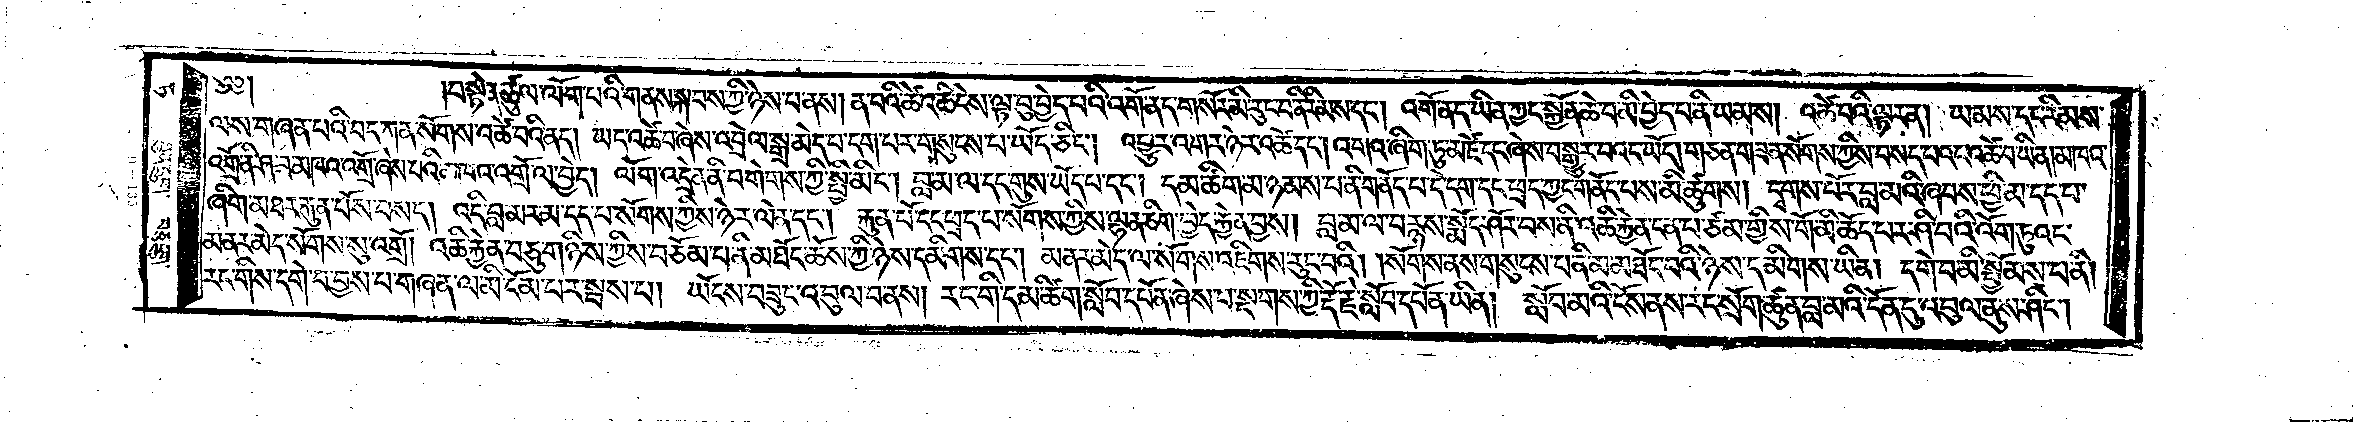༄༅། །བསྟེན་ཚུལ་ལོག་པའི་གནས་སྐབས་ཀྱི་ཉེས་པ་ནས། ན་བའི་ཚེ་འཆི་ངེས་ལྟ་བུ་བྱེད་པའི་འགོ་ནད་གསོར་མི་རུང་བ་ནི་རིམས་དང་། འགོ་ནད་ཡིན་ཀྱང་སྐྱོན་ཆེ་བ་མི་བྱེད་པ་ནི་ཡམ་ས། འཚེ་བའི་ལྟར་ན། ཡ་མས་དང་རིམ་
ལས་གཞན་པའི་བད་ཀན་སོགས་འཚེ་བའི་ནད། ཡང་འཚེ་བཞེས་འབྲེལ་སྒྲ་མེད་པ་དག་པར་གསུངས་པ་ཡོད་ཅིང་། འགྱུར་འགར་ཉེར་འཚེ་དང་། འགའ་ཞིག་ཏུ་མཛེ་དང་ཞེས་བསྒྱུར་བའང་ཡོད་གཅན་གཟན་སོགས་ཀྱིས་བསད་པའང་འཚེ་བ་ཡིན། མཁའ་
འགྲོ་ནི་ཤ་ཟ་མཁའ་འགྲོ་ཞེས་པའི་མཁའ་འགྲོ་ལ་བྱེད། ལོག་འདྲེན་ནི་བགེགས་ཀྱི་སྤྱི་མིང་། བླ་མ་ལ་དད་གུས་ཡོད་པ་དང་། དམ་ཚིག་མ་ཉམས་པ་ནི་གནོད་པ་དེ་དག་དང་ཕྲད་ཀྱང་གནོད་པས་མི་ཚུགས། དྭགས་པོར་བླ་མའི་ཞབས་ཕྱི་མ་དད་པ་
ཞིག་མཐར་རྐུན་པོས་བསད། འདི་བླ་མར་མ་དད་པ་སོགས་ཀྱིས་ཉེར་ལེན་དང་། རྐུན་པོ་དང་ཕྲད་པ་སོགས་ཀྱིས་ལྷན་ཅིག་བྱེད་རྐྱེན་བྱས། བླ་མ་ལ་བརྙས་སྨོད་ཤོར་བས་ནི་འཆི་རྐྱེན་ངན་པ་ཙམ་གྱིས་གོ་མི་ཆོད་ཕར་ཤི་བའི་འོག་ཏུའང་
མནར་མོད་སོགས་སུ་འགྲོ། འཆི་རྐྱེན་བཅུ་གཉིས་ཀྱིས་བཅོམ་པ་ནི་མཐོང་ཆོས་ཀྱི་ཉེས་དམིགས་དང་། མནར་མེད་ལ་སོགས་འཇིགས་རུང་པའི། །སོགས་ནས་གསུངས་པ་མི་མཐོང་བའི་ཉེས་དམིགས་ཡིན། དགེ་བ་མི་སྤྱོམས་པ་ནི།
རང་གིས་དགེ་བ་བྱས་པ་གཞན་ལ་མི་ངོམ་པར་སྦས་པ། ཡོངས་བཟུང་འབུལ་བ་ནས། རང་གི་དམ་ཚིག་སློབ་དཔོན་ཞེས་པ་སྔགས་ཀྱི་རྡོ་རྗེ་སློབ་དཔོན་ཡིན། སློབ་མའི་ངོས་ནས་རང་སྲོག་ཚུན་བླ་མའི་དོན་དུ་འབུལ་ནུས་ཤིང་།